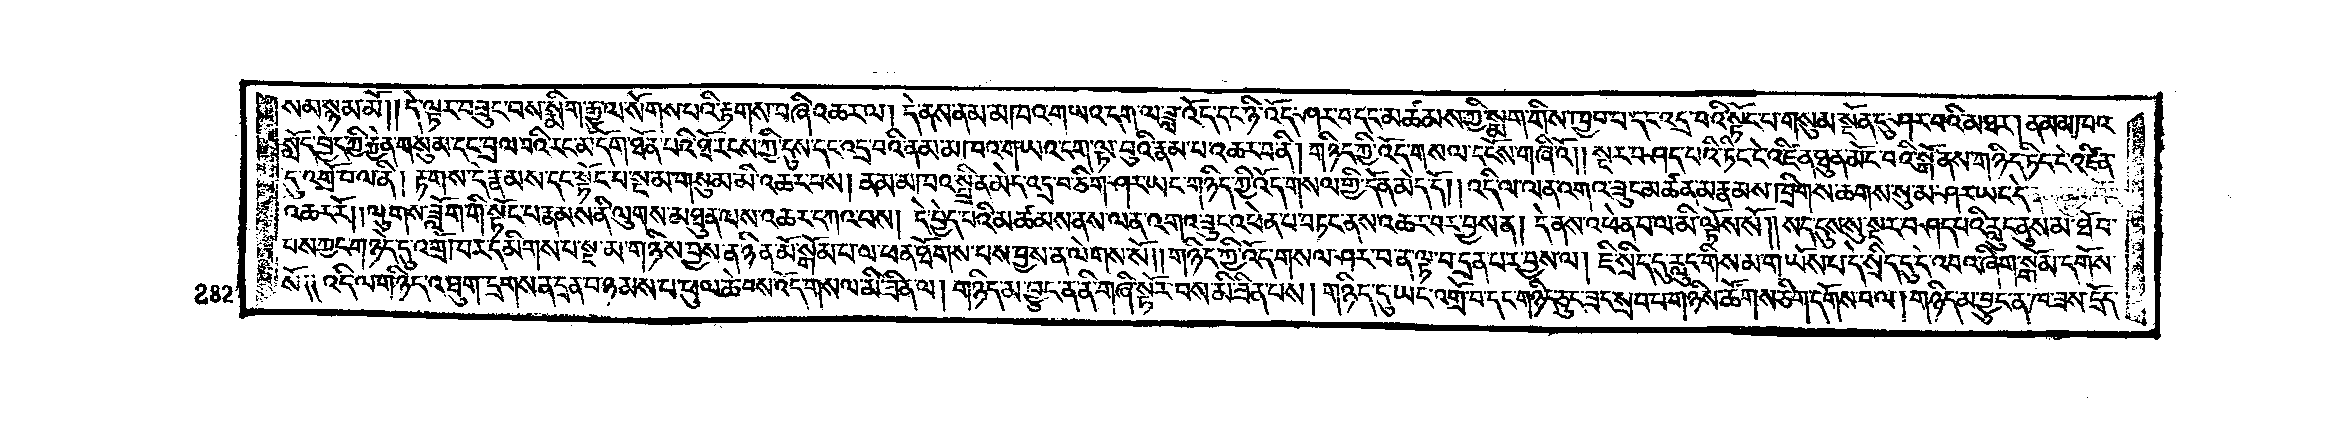སམ་སྙམ་མོ། །དེ་ལྟར་བཟུང་བས་སྨིག་རྒྱུ་ལ་སོགས་པའི་རྟགས་བཞི་འཆར་ལ། དེ་ནས་ནམ་མཁའ་གཡའ་དག་ལ་ཟླ་འོད་དང་ཉི་འོད་ཤར་བ་དང་མཚམས་ཀྱི་སྨག་གིས་ཁྱབ་པ་དང་འདྲ་བའི་སྟོང་པ་གསུམ་སྔོན་དུ་ཤར་བའི་མཐར། ནམ་མཁའ་
སློང་བྱེད་ཀྱི་རྐྱེན་གསུམ་དང་བྲལ་བའི་རང་མདོག་ཐོན་པའི་ཐོ་རངས་ཀྱི་དུས་དང་འདྲ་བའི་ནམ་མཁའ་གཡའ་ངག་ལྟ་བུའི་རྣམ་པ་འཆར་བ་ནི། གཉིད་ཀྱི་འོད་གསལ་དངོས་གཞིའོ། །སྔར་བཤད་པའི་ཏིང་ངེ་འཛིན་ཐུན་མོང་བའི་སྒོ་ནས་གཉིད་ཏིང་ངེ་འཛིན་
དུ་འགྲོ་བ་ལ་ནི། རྟགས་དེ་རྣམས་དང་སྟོང་པ་སྔ་མ་གསུམ་མི་འཆར་བས། ནམ་མཁའ་སྤྲིན་མེད་འདྲ་བ་ཅིག་ཤར་ཡང་གཉིད་ཀྱི་འོད་གསལ་གྱི་དོན་མེད་དོ། །འདི་ལ་ལན་འགའ་ཟུང་མཚན་མ་རྣམས་ཁྲིགས་ཆགས་སུ་མ་ཤར་ཡང་དེ་ནས་མྱུར་པོར་
འཆར་རོ། །ལུགས་ཟློག་གི་སྟོང་པ་རྣམས་ནི་ལུགས་མཐུན་ལས་འཆར་དཀའ་བས། དེ་བྱེད་པའི་མཚམས་ནས་ལན་འགའ་ཟུང་འཕེན་པ་བཏང་ནས་འཆར་བར་བྱས་ན། དེ་ནས་འཕེན་པ་ལ་མི་ལྟོས་སོ། །སད་དུས་སུ་སྔར་བཤད་པའི་རླུང་ནུས་མ་ཐོབ་
པས་ཀྱང་གཉིད་དུ་འགྲོ་ཁར་དམིགས་པ་སྔ་མ་གཉིས་བྱས་ན་ཉིན་མོ་སྒོམ་པ་ལ་ཕན་ཐོགས་པས་བྱས་ན་ལེགས་སོ། །གཉིད་ཀྱི་འོད་གསལ་ཤར་བ་ན་ལྟ་བ་དྲན་པར་བྱས་ལ། ཇི་སྲིད་དུ་རླུང་གིས་མ་གཡོས་བ་དེ་སྲིད་དུ་དེ་འབའ་ཞིག་སྒོམ་དགོས་
སོ། །འདི་ལ་གཉིད་འཐུག་དྲགས་ན་དྲན་པ་ཉམས་པ་ཕུལ་ཆེ་བས་འོད་གསལ་མི་ཟིན་ལ། གཉིད་མ་བྱུང་ན་ནི་གཞི་སྟོར་བས་མི་ཟིན་པས། གཉིད་དུ་ཡང་འགྲོ་བ་དང་གཉིད་ཅུང་ཟད་སྲབ་པ་གཉིས་ཚོགས་ཅིག་དགོས་པ་ལ། གཉིད་མ་བྱུང་ན་ཁ་ཟས་དྲོད་